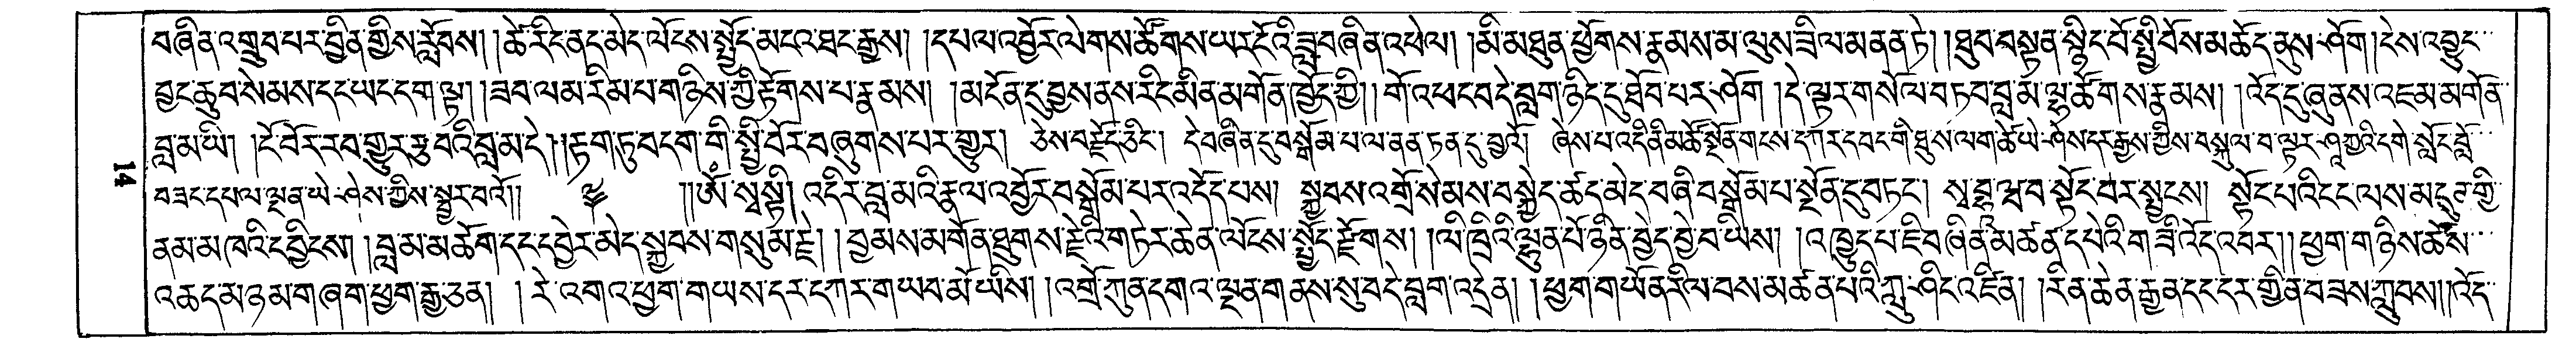བཞིན་འགྲུབ་པར་བྱིན་གྱིས་རློབས། །ཚེ་རིང་ནད་མེད་ལོངས་སྤྱོད་མངའ་ཐང་རྒྱས། །དཔལ་འབྱོར་ལེགས་ཚོགས་ཡར་ངོའི་ཟླ་བཞིན་འཕེལ། །མི་མཐུན་ཕྱོགས་རྣམས་མ་ལུས་ཟིལ་མནན་ཏེ། །ཐུབ་བསྟན་སྙིང་པོ་སྤྱི་བོས་མཆོད་ནུས་ཤོག །ངེས་འབྱུང་
བྱང་ཆུབ་སེམས་དང་ཡང་དག་ལྟ། །ཟབ་ལམ་རིམ་པ་གཉིས་ཀྱི་རྟོགས་པ་རྣམས། །མངོན་དུ་བྱས་ནས་རིང་མིན་མགོན་ཁྱོད་ཀྱི། །གོ་འཕང་བདེ་བླག་ཉིད་དུ་ཐོབ་བར་ཤོག །དེ་ལྟར་གསོལ་བཏབ་བླ་མ་ལྷ་ཚོགས་རྣམས། །འོད་དུ་ཞུ་ནས་འཇམ་མགོན་
བླ་མ་ཡི། །ངོ་བོར་རབ་གྱུར་རྩ་བའི་བླ་མ་དེ། །རྟག་ཏུ་བདག་གི་སྤྱི་བོར་བཞུགས་པར་གྱུར། ཅེས་བརྗོད་ཅིང་། དེ་བཞིན་དུ་བསྒོམ་པ་ལ་ནན་ཏན་དུ་བྱའོ། ཞེས་པ་འདི་ནི་མཚོ་སྔོན་གངས་དཀར་དབང་གི་ཐུ་ས་ལག་ཆི་ཡེ་ཤེས་དར་རྒྱས་ཀྱིས་བསྐུལ་བ་ལྟར་ཤཱཀྱའི་དགེ་སློང་བློ་
བཟང་དཔལ་ལྡན་ཡེ་ཤེས་ཀྱིས་སྦྱར་བའོ།། ༈ །།ཨོཾ་སྭསྟི། འདིར་བླ་མའི་རྣལ་འབྱོར་བསྒོམ་པར་འདོད་པས། སྐྱབས་འགྲོ་སེམས་བསྐྱེད་ཚད་མེད་བཞི་བསྒོམ་པ་སྔོན་དུ་བཏང་། སྭ་བྷཱ་ཝས་སྟོང་པར་སྦྱངས། སྟོང་པའི་ངང་ལས་མདུན་གྱི་
ནམ་མཁའི་དབྱིངས། །བླ་མ་མཆོག་དང་དབྱེར་མེད་སྐྱབས་གསུམ་རྗེ། །བྱམས་མགོན་ཐུགས་རྗེའི་གཏེར་ཆེན་ལོངས་སྤྱོད་རྫོགས། །ལི་ཁྲིའི་ལྷུན་པོ་ཉིན་བྱེད་བྱེ་བ་ཡིས། །འཁྱུད་པ་ཇི་བཞིན་མཚན་དཔེའི་གཟི་འོད་འབར། །ཕྱག་གཉིས་ཆོས་
འཆད་མཉམ་གཞག་ཕྱག་རྒྱ་ཅན། །རེ་འགའ་ཕྱག་གཡས་དར་དཀར་གཡབ་མོ་ཡིས། །འགྲོ་ཀུན་དགའ་ལྡན་གནས་སུ་བདེ་བླག་འདྲེན། །ཕྱག་གཡོན་རིལ་བས་མཚན་པའི་ཀླུ་ཤིང་འཛིན། །རིན་ཆེན་རྒྱན་དང་དར་གྱི་ན་བཟས་ཀླུབས། །འོད་